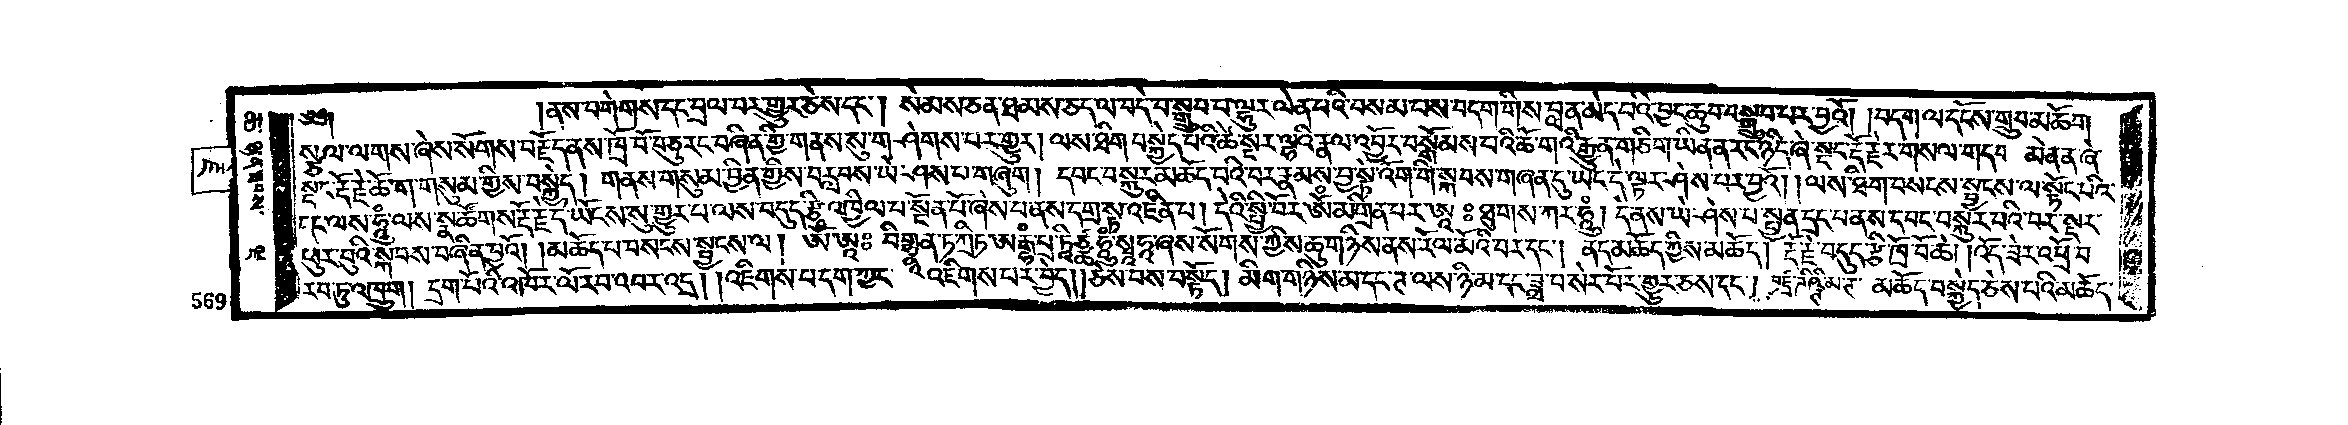༄༅། །ནས་བགེགས་དང་བྲལ་བར་གྱུར་ཅེས་དང་། སེམས་ཅན་ཐམས་ཅད་ལ་བདེ་བ་སྒྲུབ་པ་ལྷུར་ལེན་པའི་བསམ་པས་བདག་གིས་བླ་ན་མེད་པའི་བྱང་ཆུབ་བསྒྲུབ་པར་བྱའོ། །བདག་ལ་དངོས་གྲུབ་མཆོག་
སྩལ་ལགས་ཞེས་སོགས་བརྗོད་ནས་ཁྲོ་བོ་བཅུ་རང་བཞིན་གྱི་གནས་སུ་གཤེགས་པར་གྱུར། ལས་ཐིག་བསྐྱེད་པའི་ཚེ་སྔར་ལྷའི་རྣལ་འབྱོར་བསྒོམས་པའི་ཆོ་གའི་རྒྱུན་གཅིག་ཡིན་ན་རང་ཉིད་ཞེ་སྡང་རྡོ་རྗེར་གསལ་གདབ་མིན་ན་ཞེ་
སྡང་རྡོ་རྗེ་ཆོ་ག་གསུམ་གྱིས་བསྐྱེད། གནས་གསུམ་བྱིན་གྱིས་བརླབས་ཡེ་ཤེས་པ་གཞུག །དབང་བསྐུར་མཆོད་པའི་བར་རྣམས་བྱ་སྟེ་འོག་གི་སྐབས་གཞན་དུ་ཡང་དེ་ལྟར་ཤེས་པར་བྱའོ། །ལས་ཐིག་བསངས་སྦྱངས་ལ་སྟོང་པའི་
ངང་ལས་ཧཱུཾ་ལས་སྣ་ཚོགས་རྡོ་རྗེ་དེ་ཡོངས་སུ་གྱུར་པ་ལས་བདུད་རྩི་འཁྱིལ་པ་སྔོན་པོ་ཞེས་པ་ནས་དགྲ་སྟ་འཛིན་པ། དེའི་སྤྱི་བོར་ཨོཾ་མགྲིན་པར་ཨཱཿ ཐུགས་ཀར་ཧཱུཾ། དེ་ནས་ཡེ་ཤེས་པ་སྤྱན་དྲངས་པ་ནས་དབང་བསྐུར་བའི་བར་སྔར་
ཕུར་བུའི་སྐབས་བཞིན་བྱའོ། །མཆོད་པ་བསངས་སྦྱངས་ལ། ཨོཾ་ཨཱཿ བིགྷྣཱན་ཏ་ཀྲི་ཏ་ཨརགྷཾ་པྲ་ཏཱི་ཙྪ་ཧཱུཾ་སྭཱ་ཧཱ་ཞེས་སོགས་ཀྱིས་ཆུ་གཉིས་ནས་རོལ་མོའི་བར་དང་། ནད་མཆོད་ཀྱིས་མཆོད། རྡོ་རྗེ་བདུད་རྩི་ཁྲོ་བོ་ཆེ། །འོད་ཟེར་འཕྲོ་བ་
རབ་ཏུ་འཁྲུག །དྲག་པོའི་འཁོར་ལོ་རབ་འབར་འདྲ། །འཇིགས་པ་དག་ཀྱང་འཇིགས་པར་བྱེད། །ཅེས་པས་བསྟོད། མིག་གཉིས་མ་དང་ཊ་ལས་ཉི་མ་དང་ཟླ་བ་སེར་པོར་གྱུར་ཅེས་དང་། བཛྲ་ཌིཥྚི་མ་ཊ་མཆོད་བསྐྱེད་ཅེས་པའི་མཆོད་